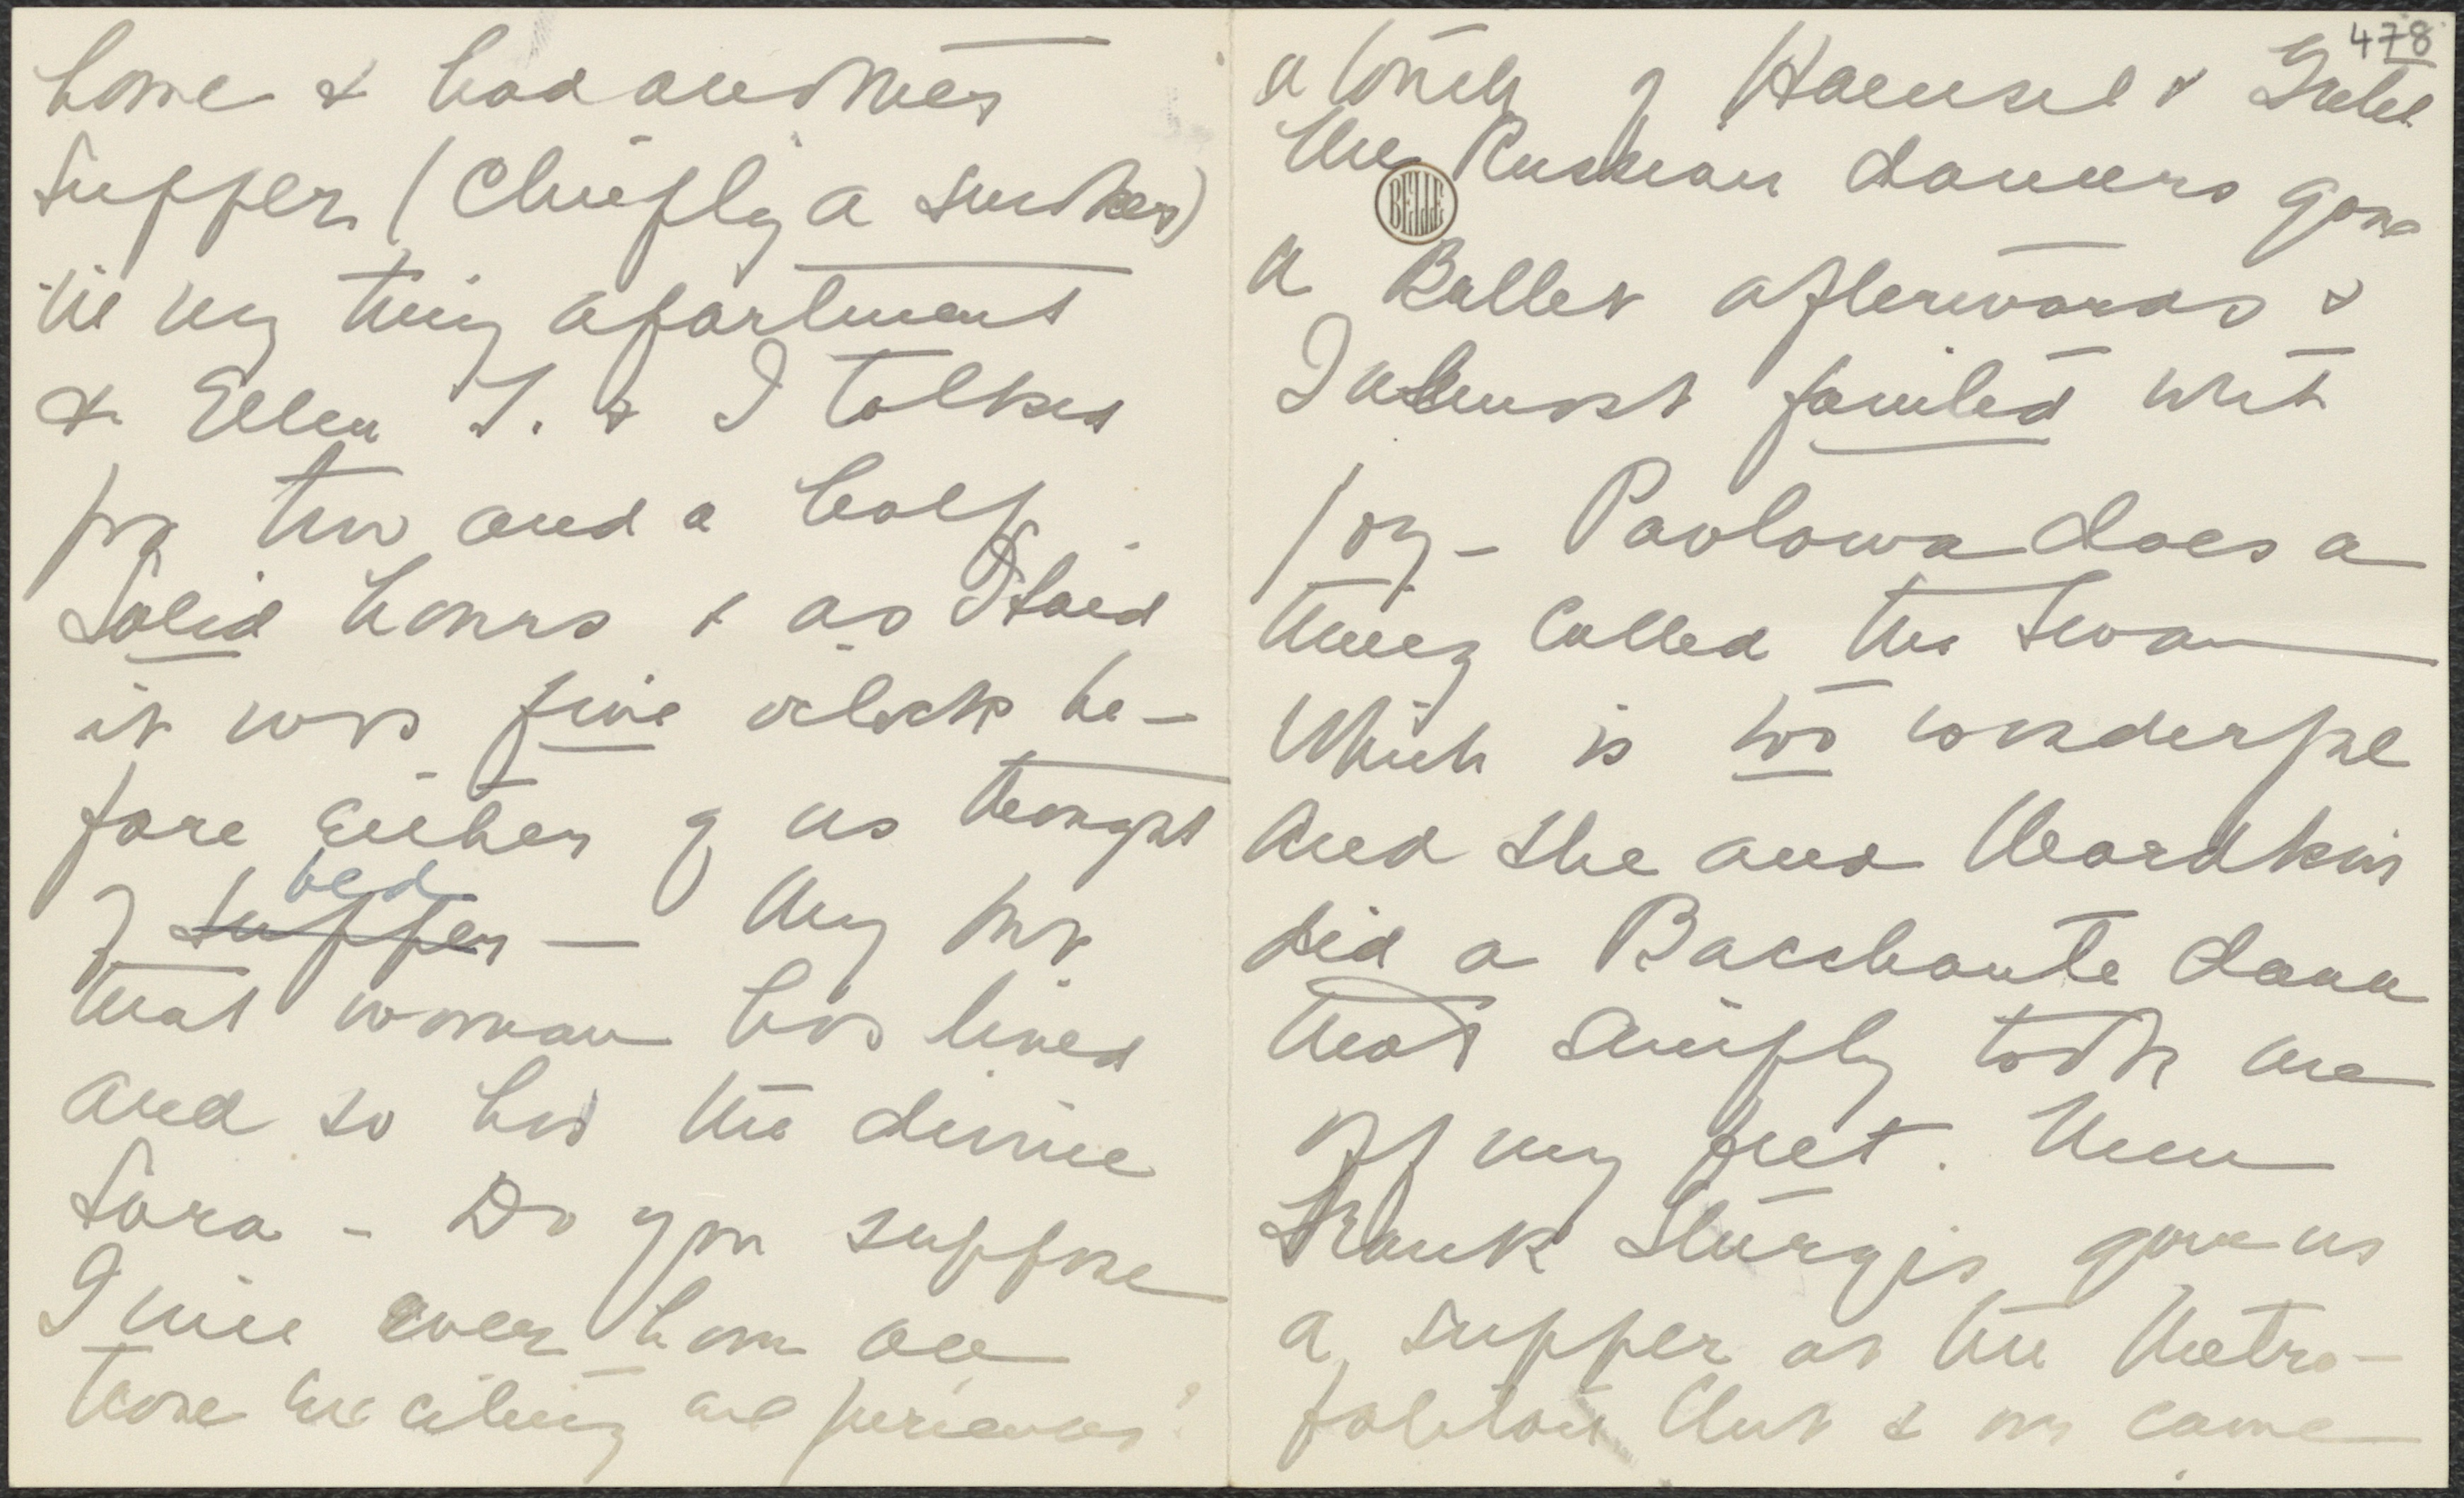a touch of Hansel & Gretel
The Russian dancers gave a Ballet afterwards & I almost fainted with joy – Pavlowa [sic] does a thing called the Swan which is too wonderful and she and Mordkin did a Bacchante dance that simply took me off my feet. Then Frank Sturgis gave us a supper at the Metropolitan Club & we came
home & had another supper (chiefly a smokers [?]) in my tiny apartment & Ellen T. & I talked for two and a half solid hours & as I said it was five o’clock before either of us thought of supper [written in blue ink: ^bed^] – My but that woman has lived and so has the divine Sara – Do you suppose I will ever have all those exciting experiences?